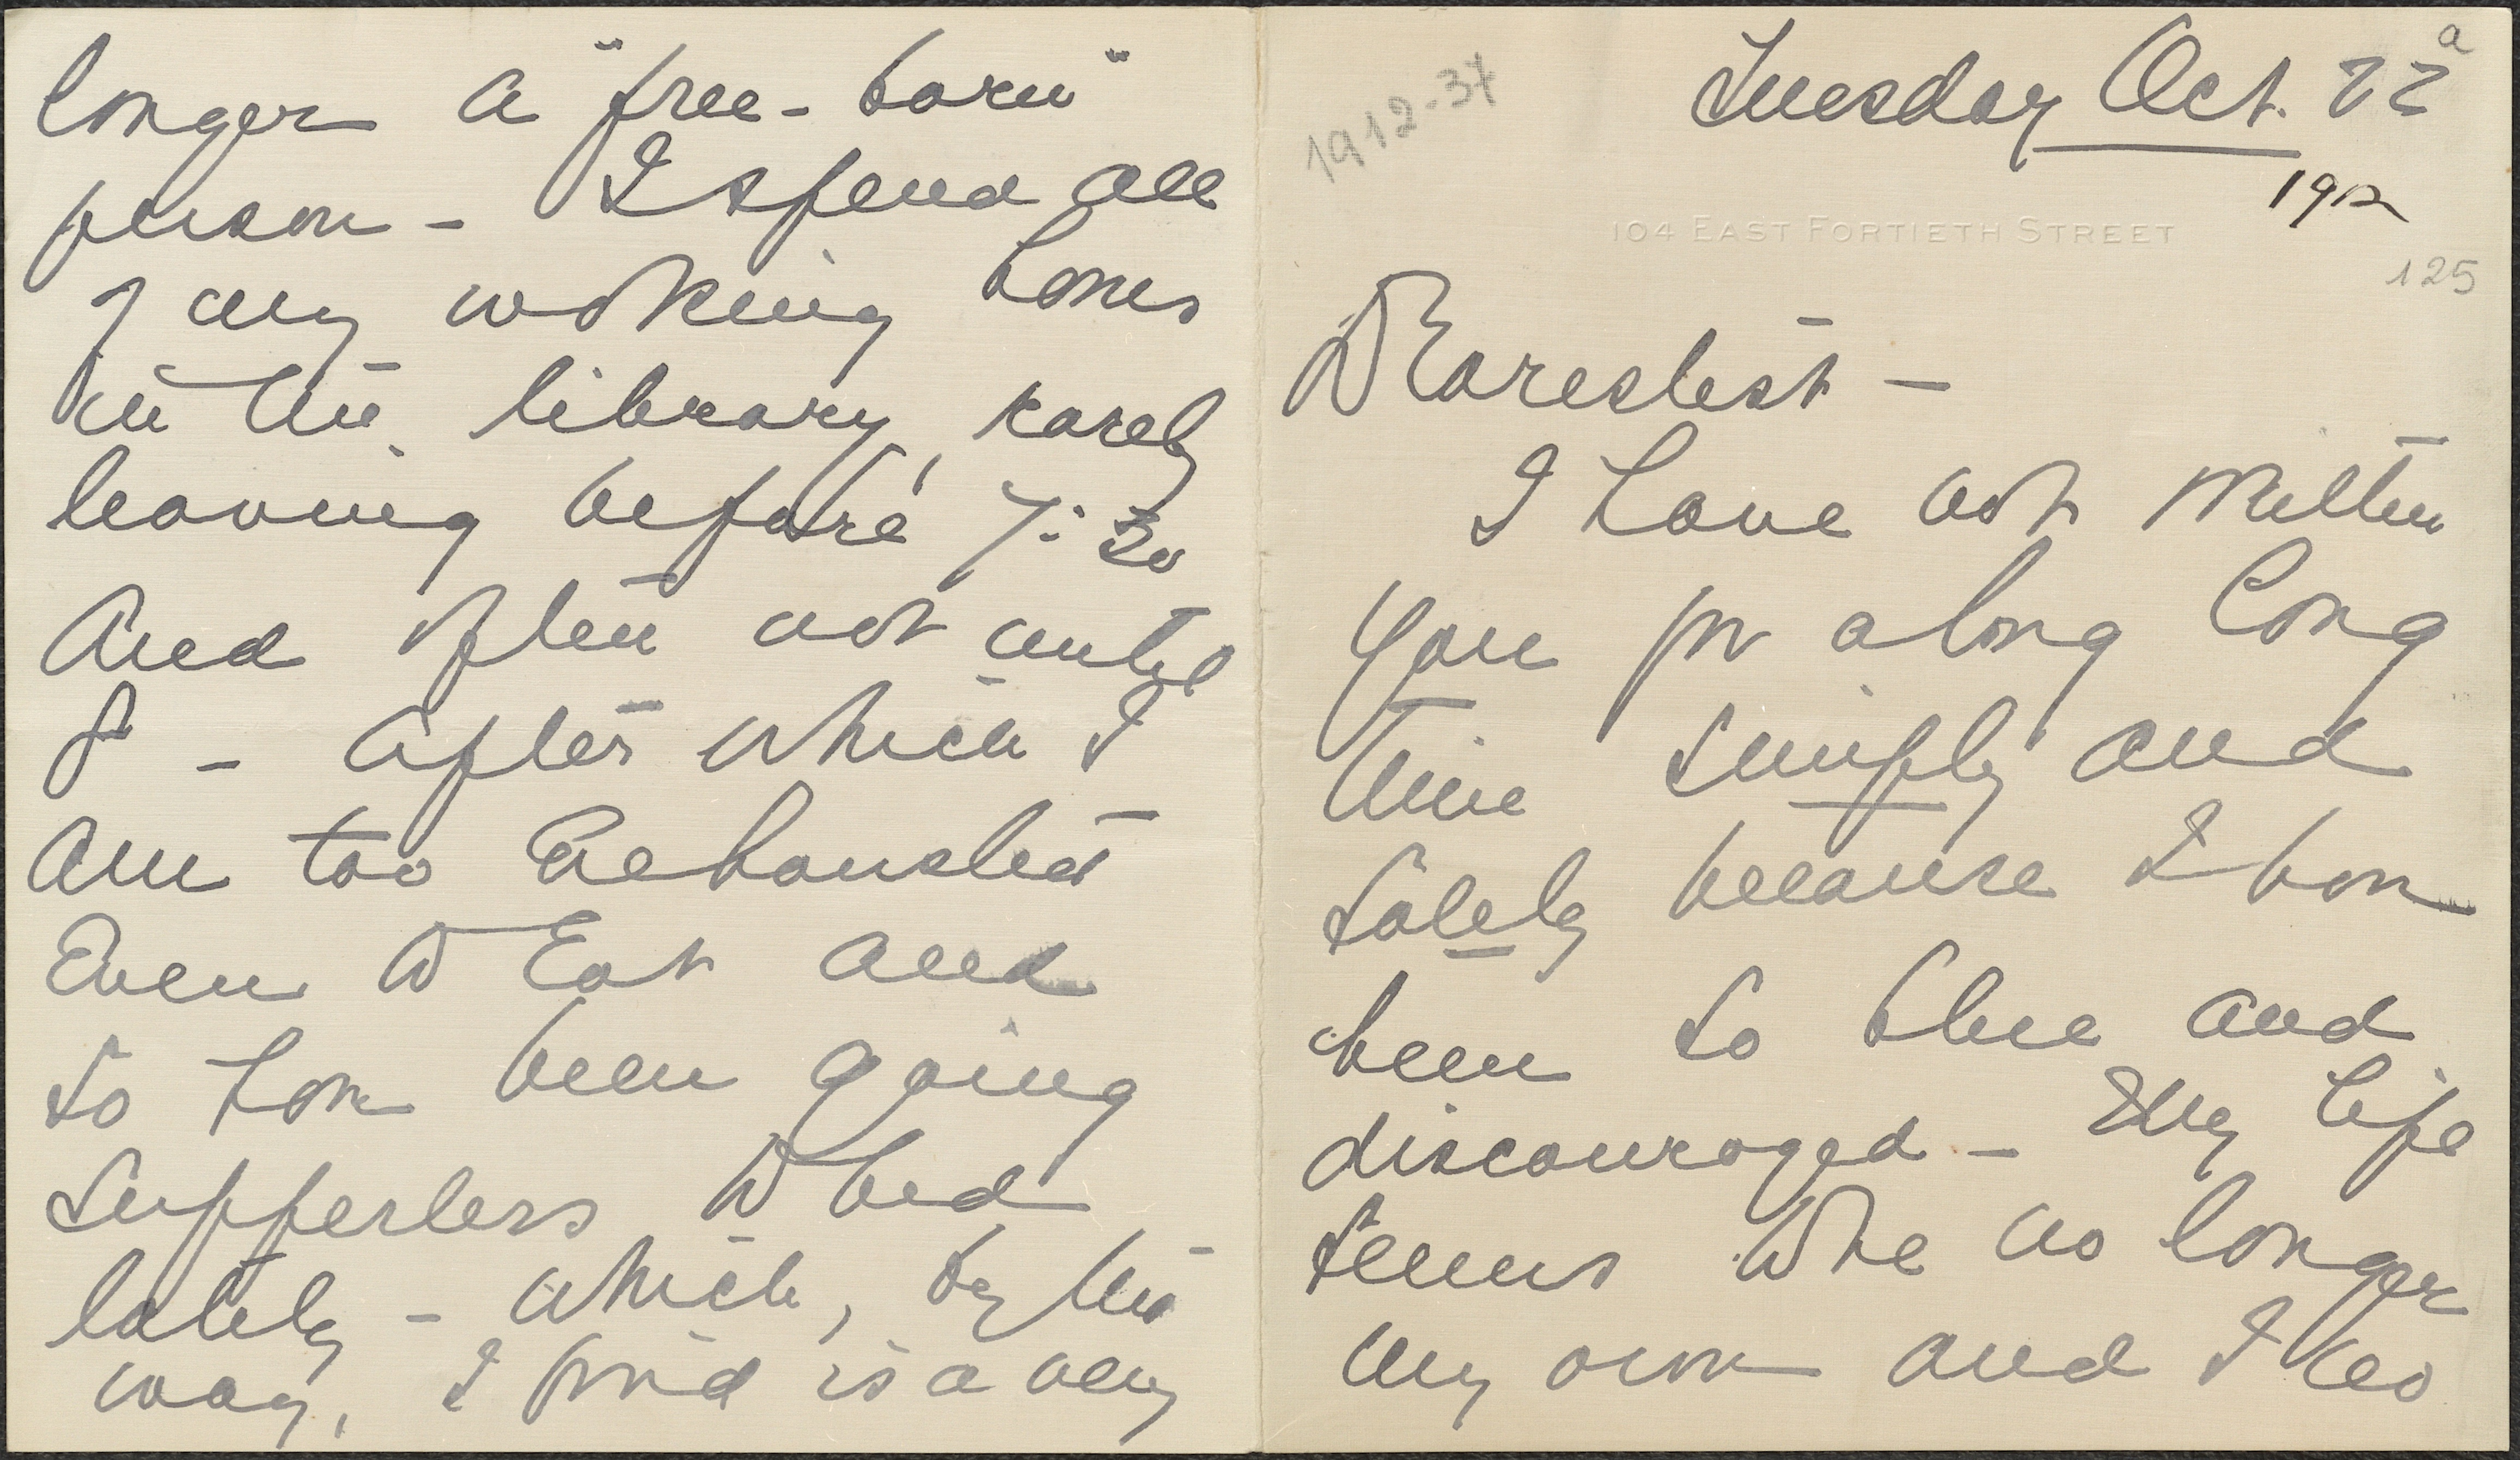Tuesday Oct. 22
Dearestest –
I have not written you for a long long time simply and solely because I have been so blue and discouraged – my life seems to be no longer my own and I no
longer a “free-born” person – I spend all of my waking hours in the library, rarely leaving before 7:30 and often not until 8 – after which I am too exhausted even to eat and so have been going supperless to bed lately – which, by the way, I find is a very